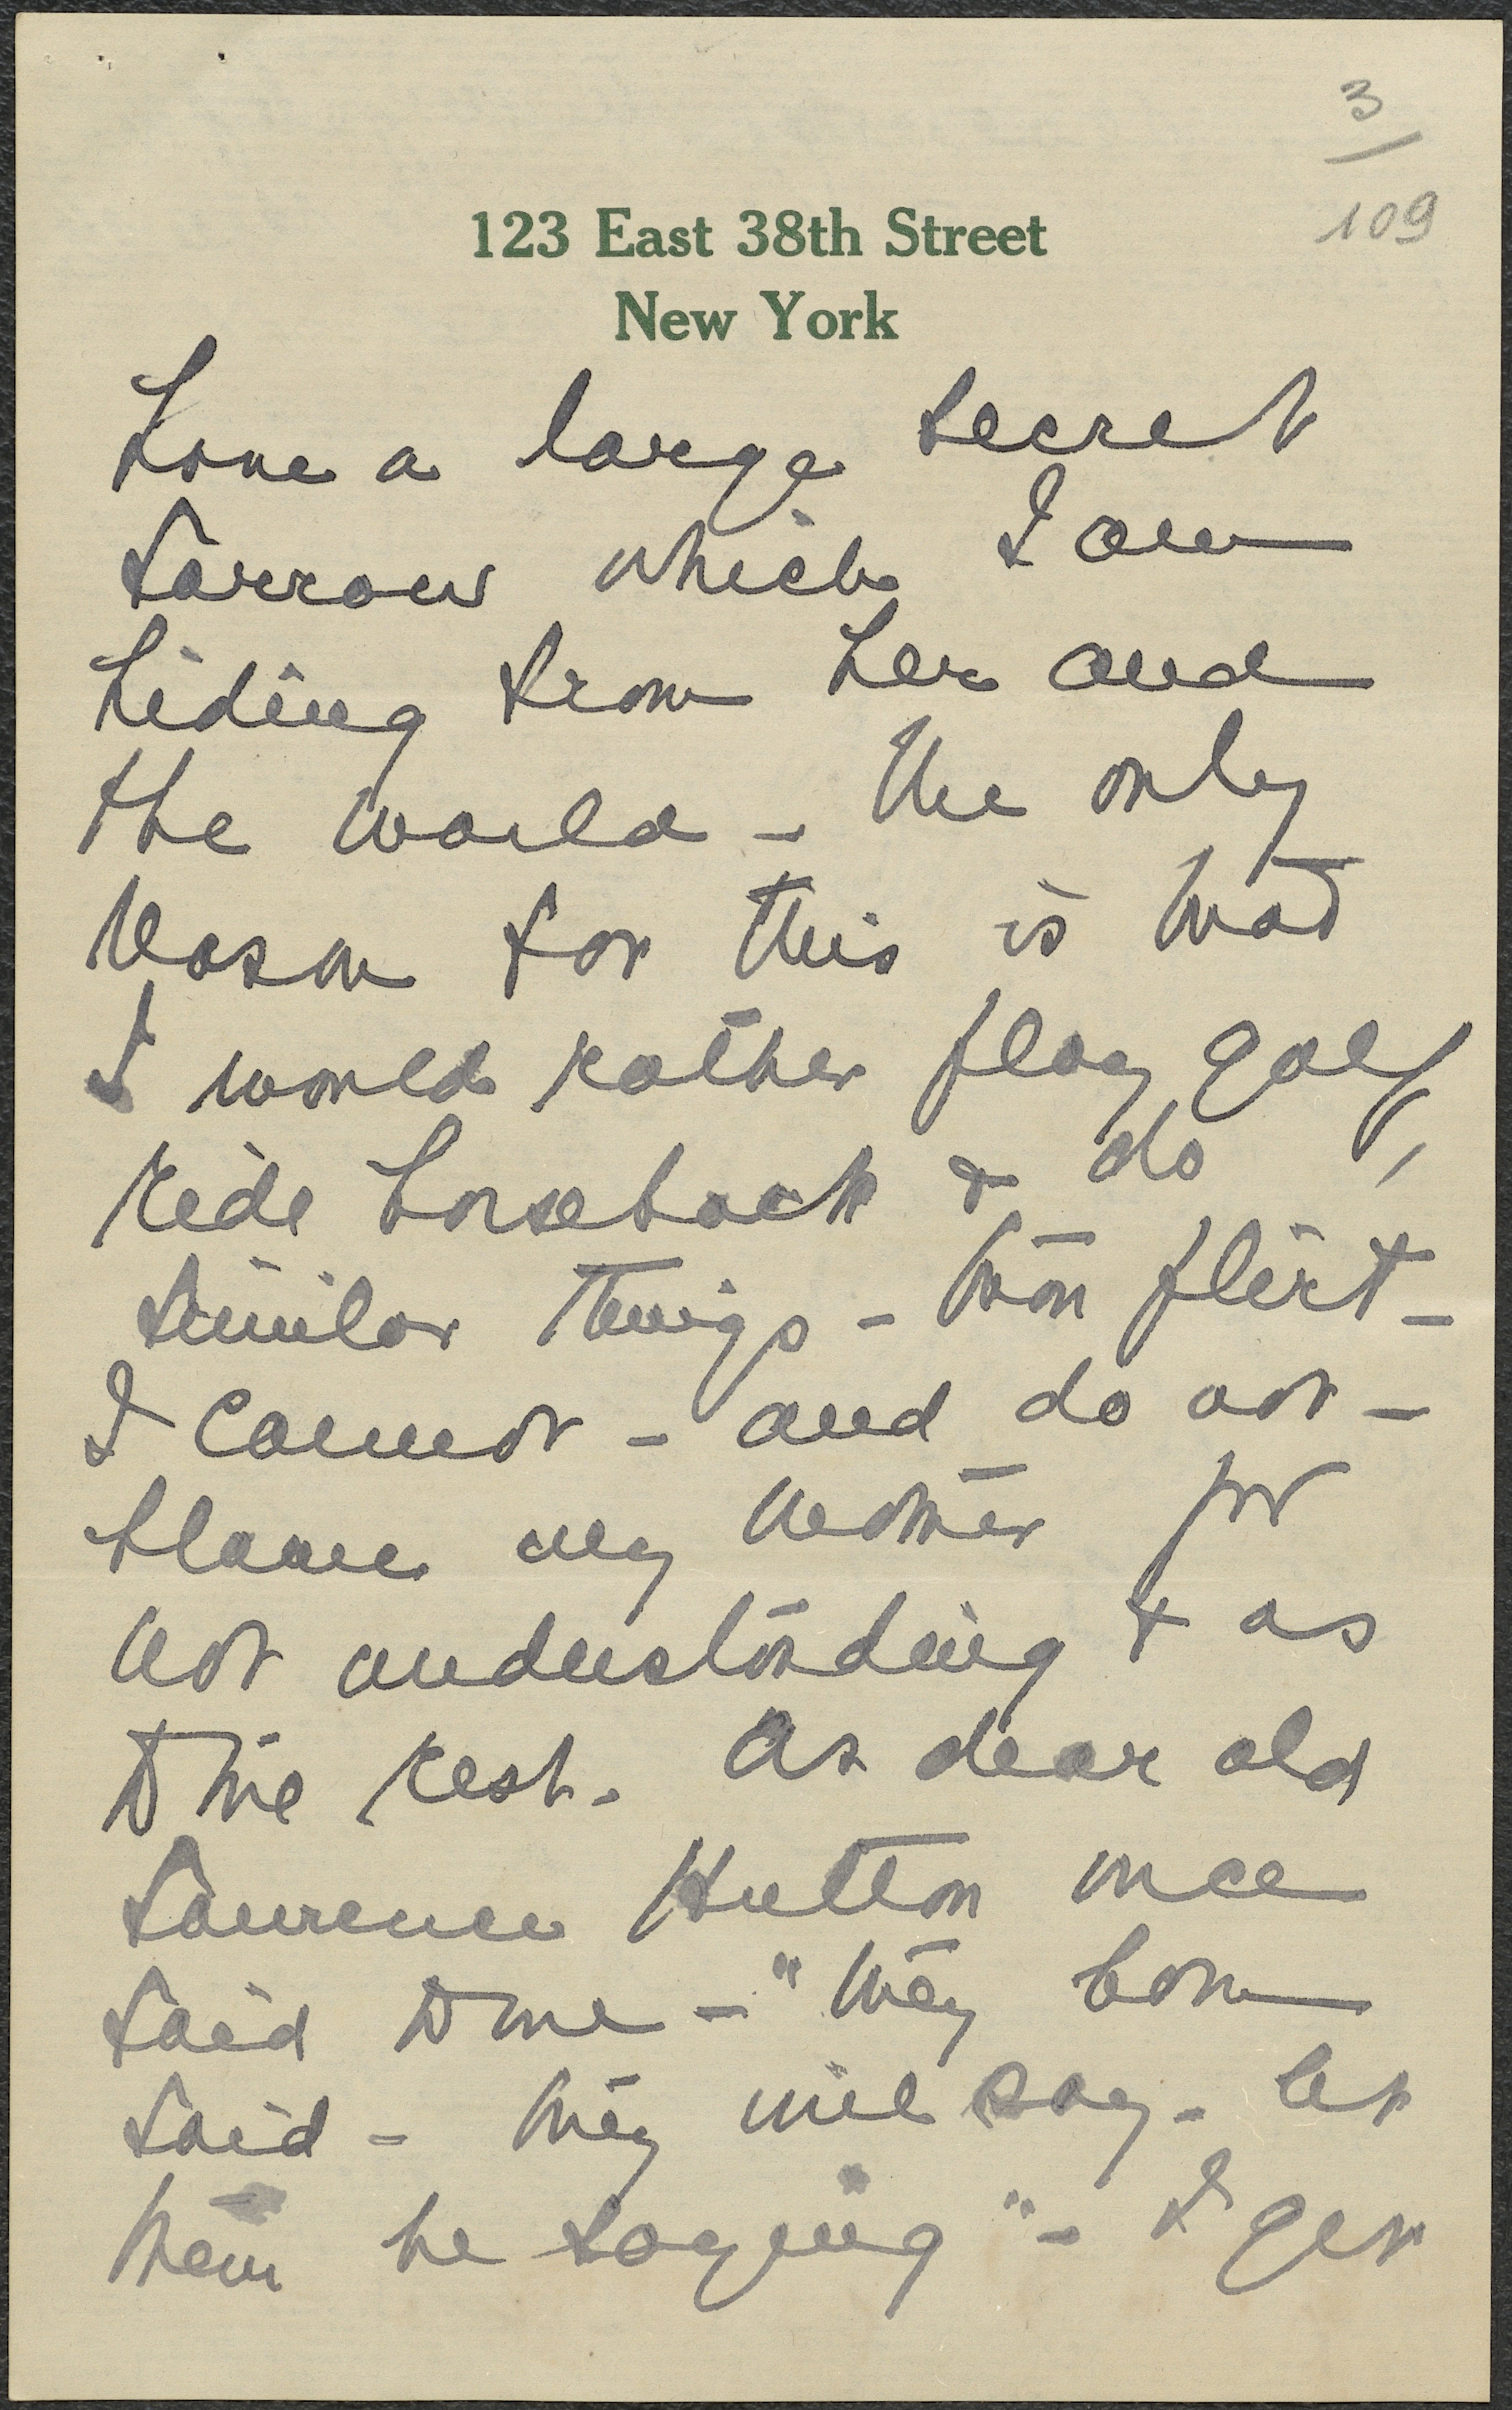have a large secret sorrow which I am hiding from her and the world – The only reason for this is that I would rather play golf, ride horseback & do similar things – than flirt – I cannot – and do not – blame my mother for not understanding & as to the rest, as dear old Lawrence Hutton once said to me – “they have said – they will say – let them be saying”– I get